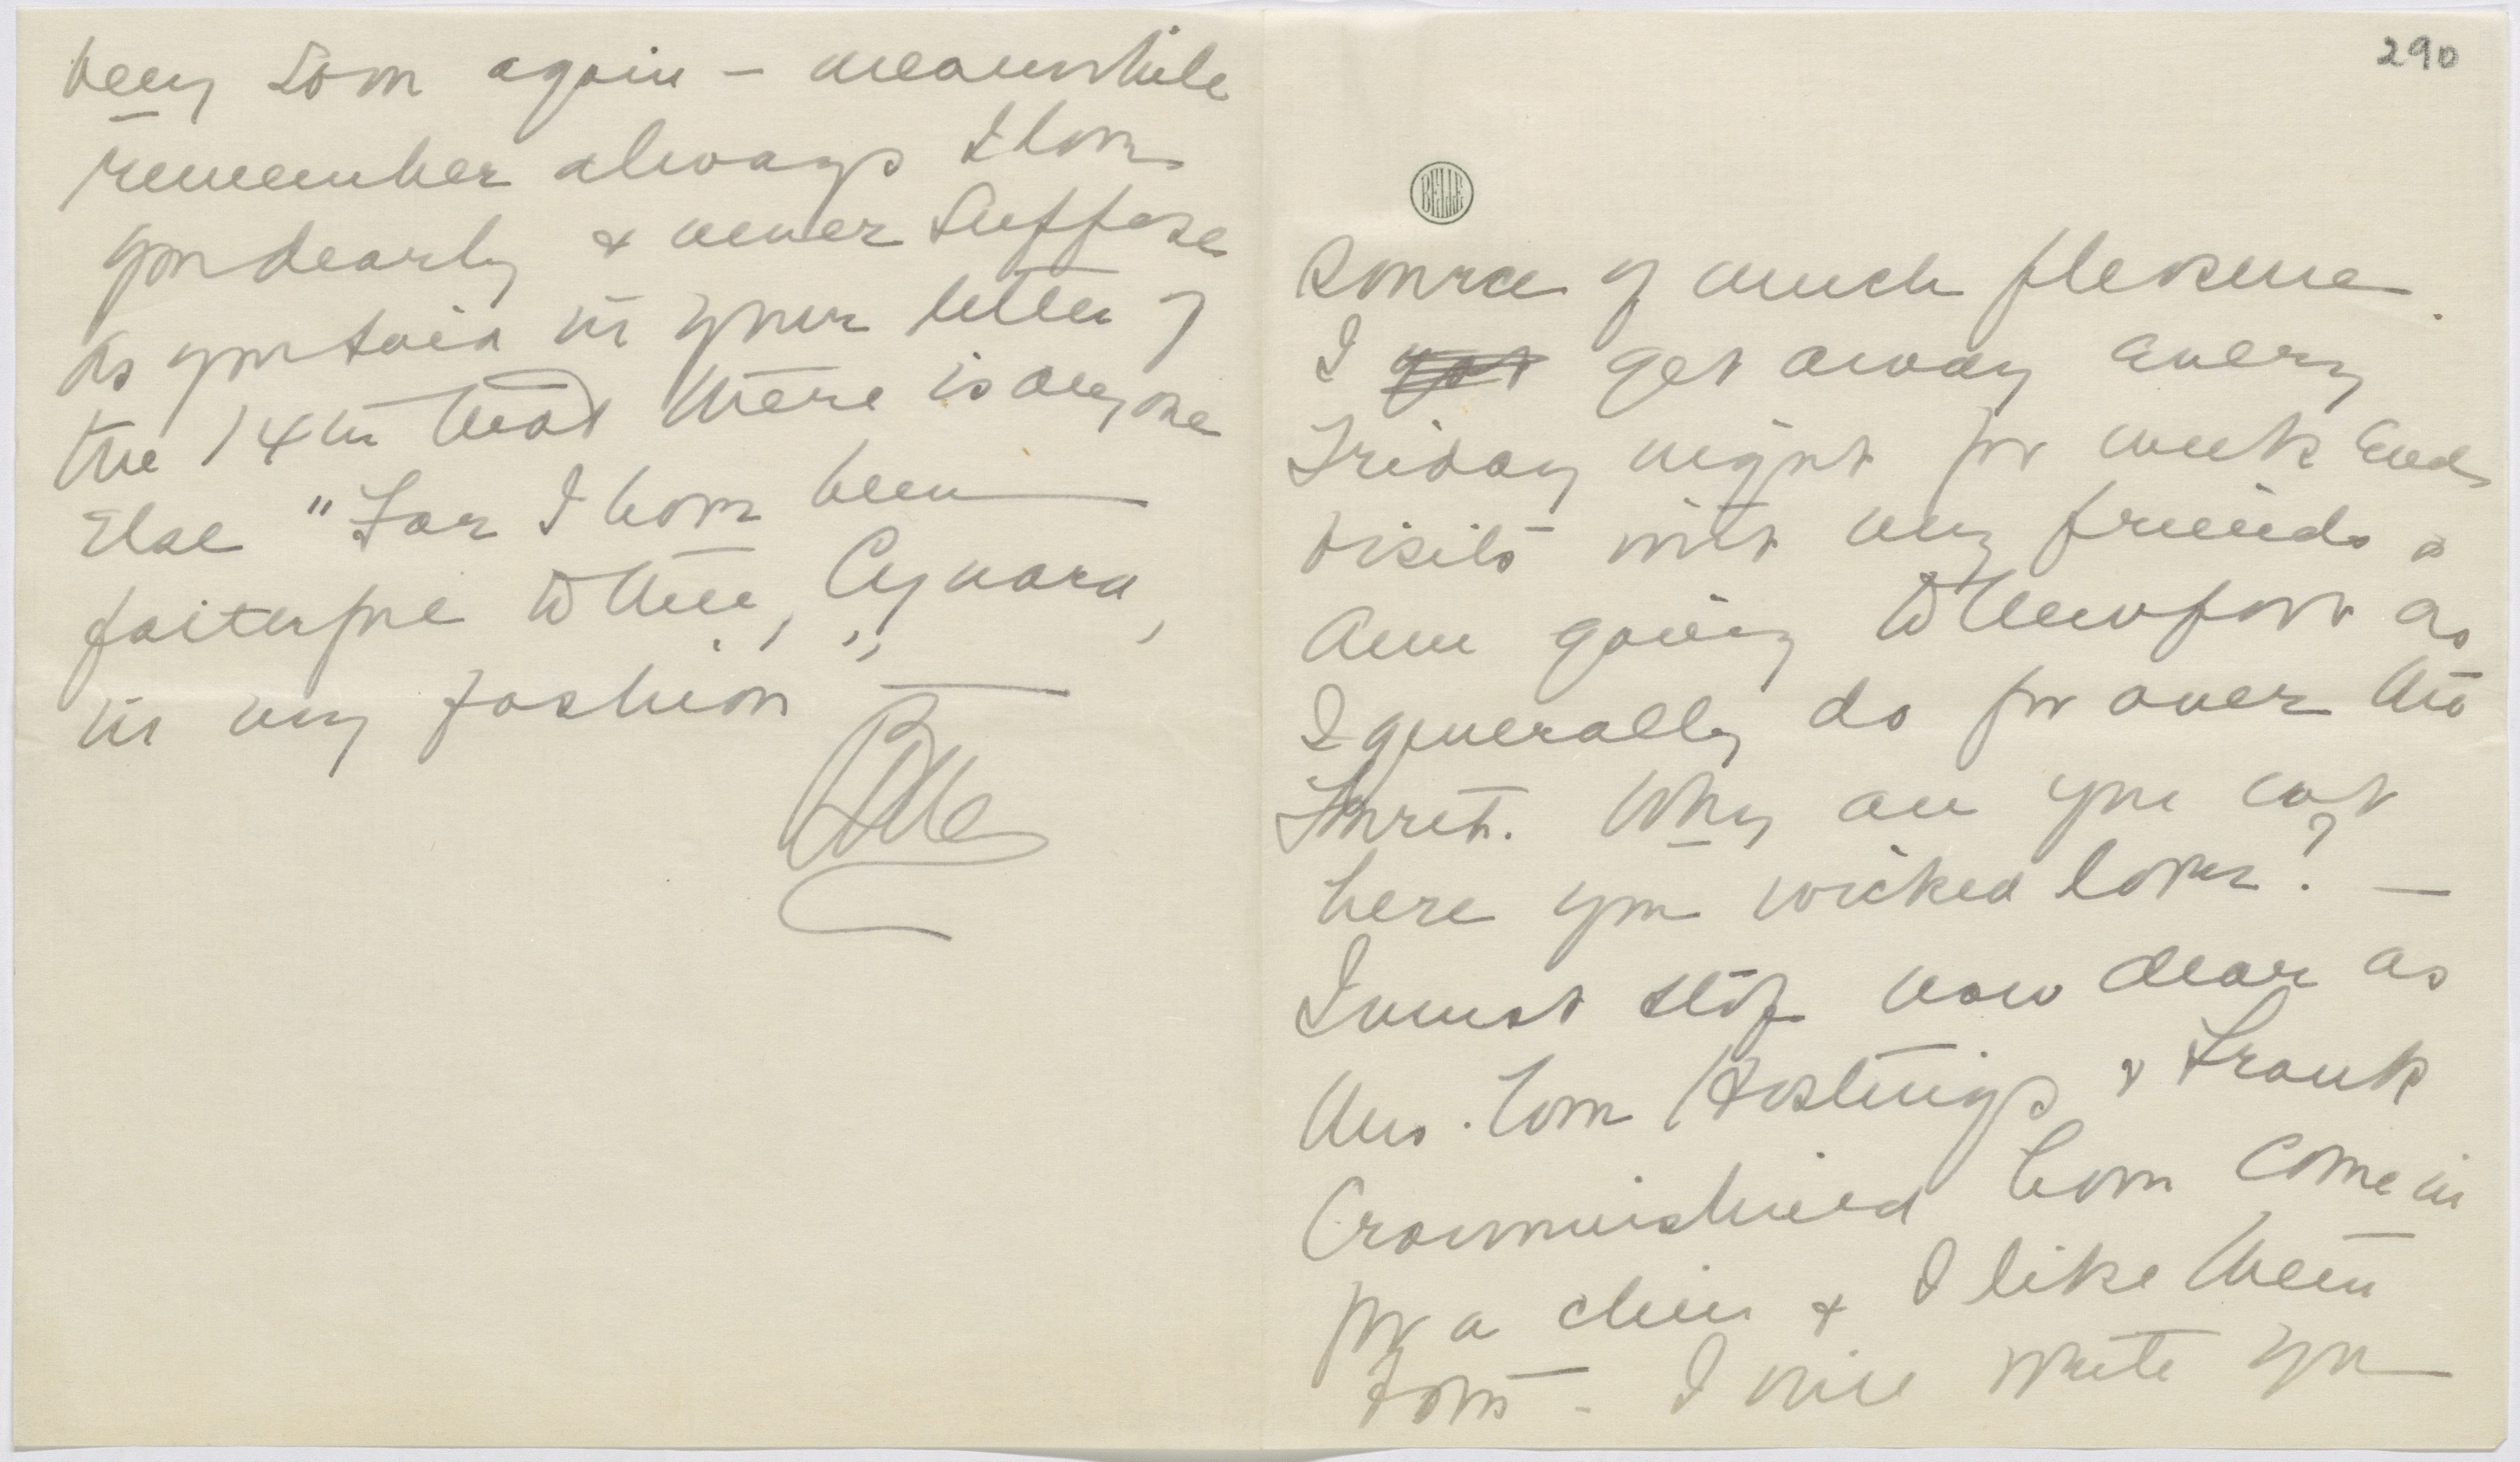source of much pleasure. I yet get away every Friday night for week end visits with my friends & am going to Newport as I generally do for over the Fourth. Why are you not here you wicked lover? – I must stop now dear as Mrs. Tom Hastings & Frank Crowninshield have come in for a dine & I like them both – I will write you
very soon again – meanwhile remember always I love you dearly & never suppose as you said in your letter of the 14th that there is any one else “For I have been faithful to thee, Cynara, in my fashion”–
Belle